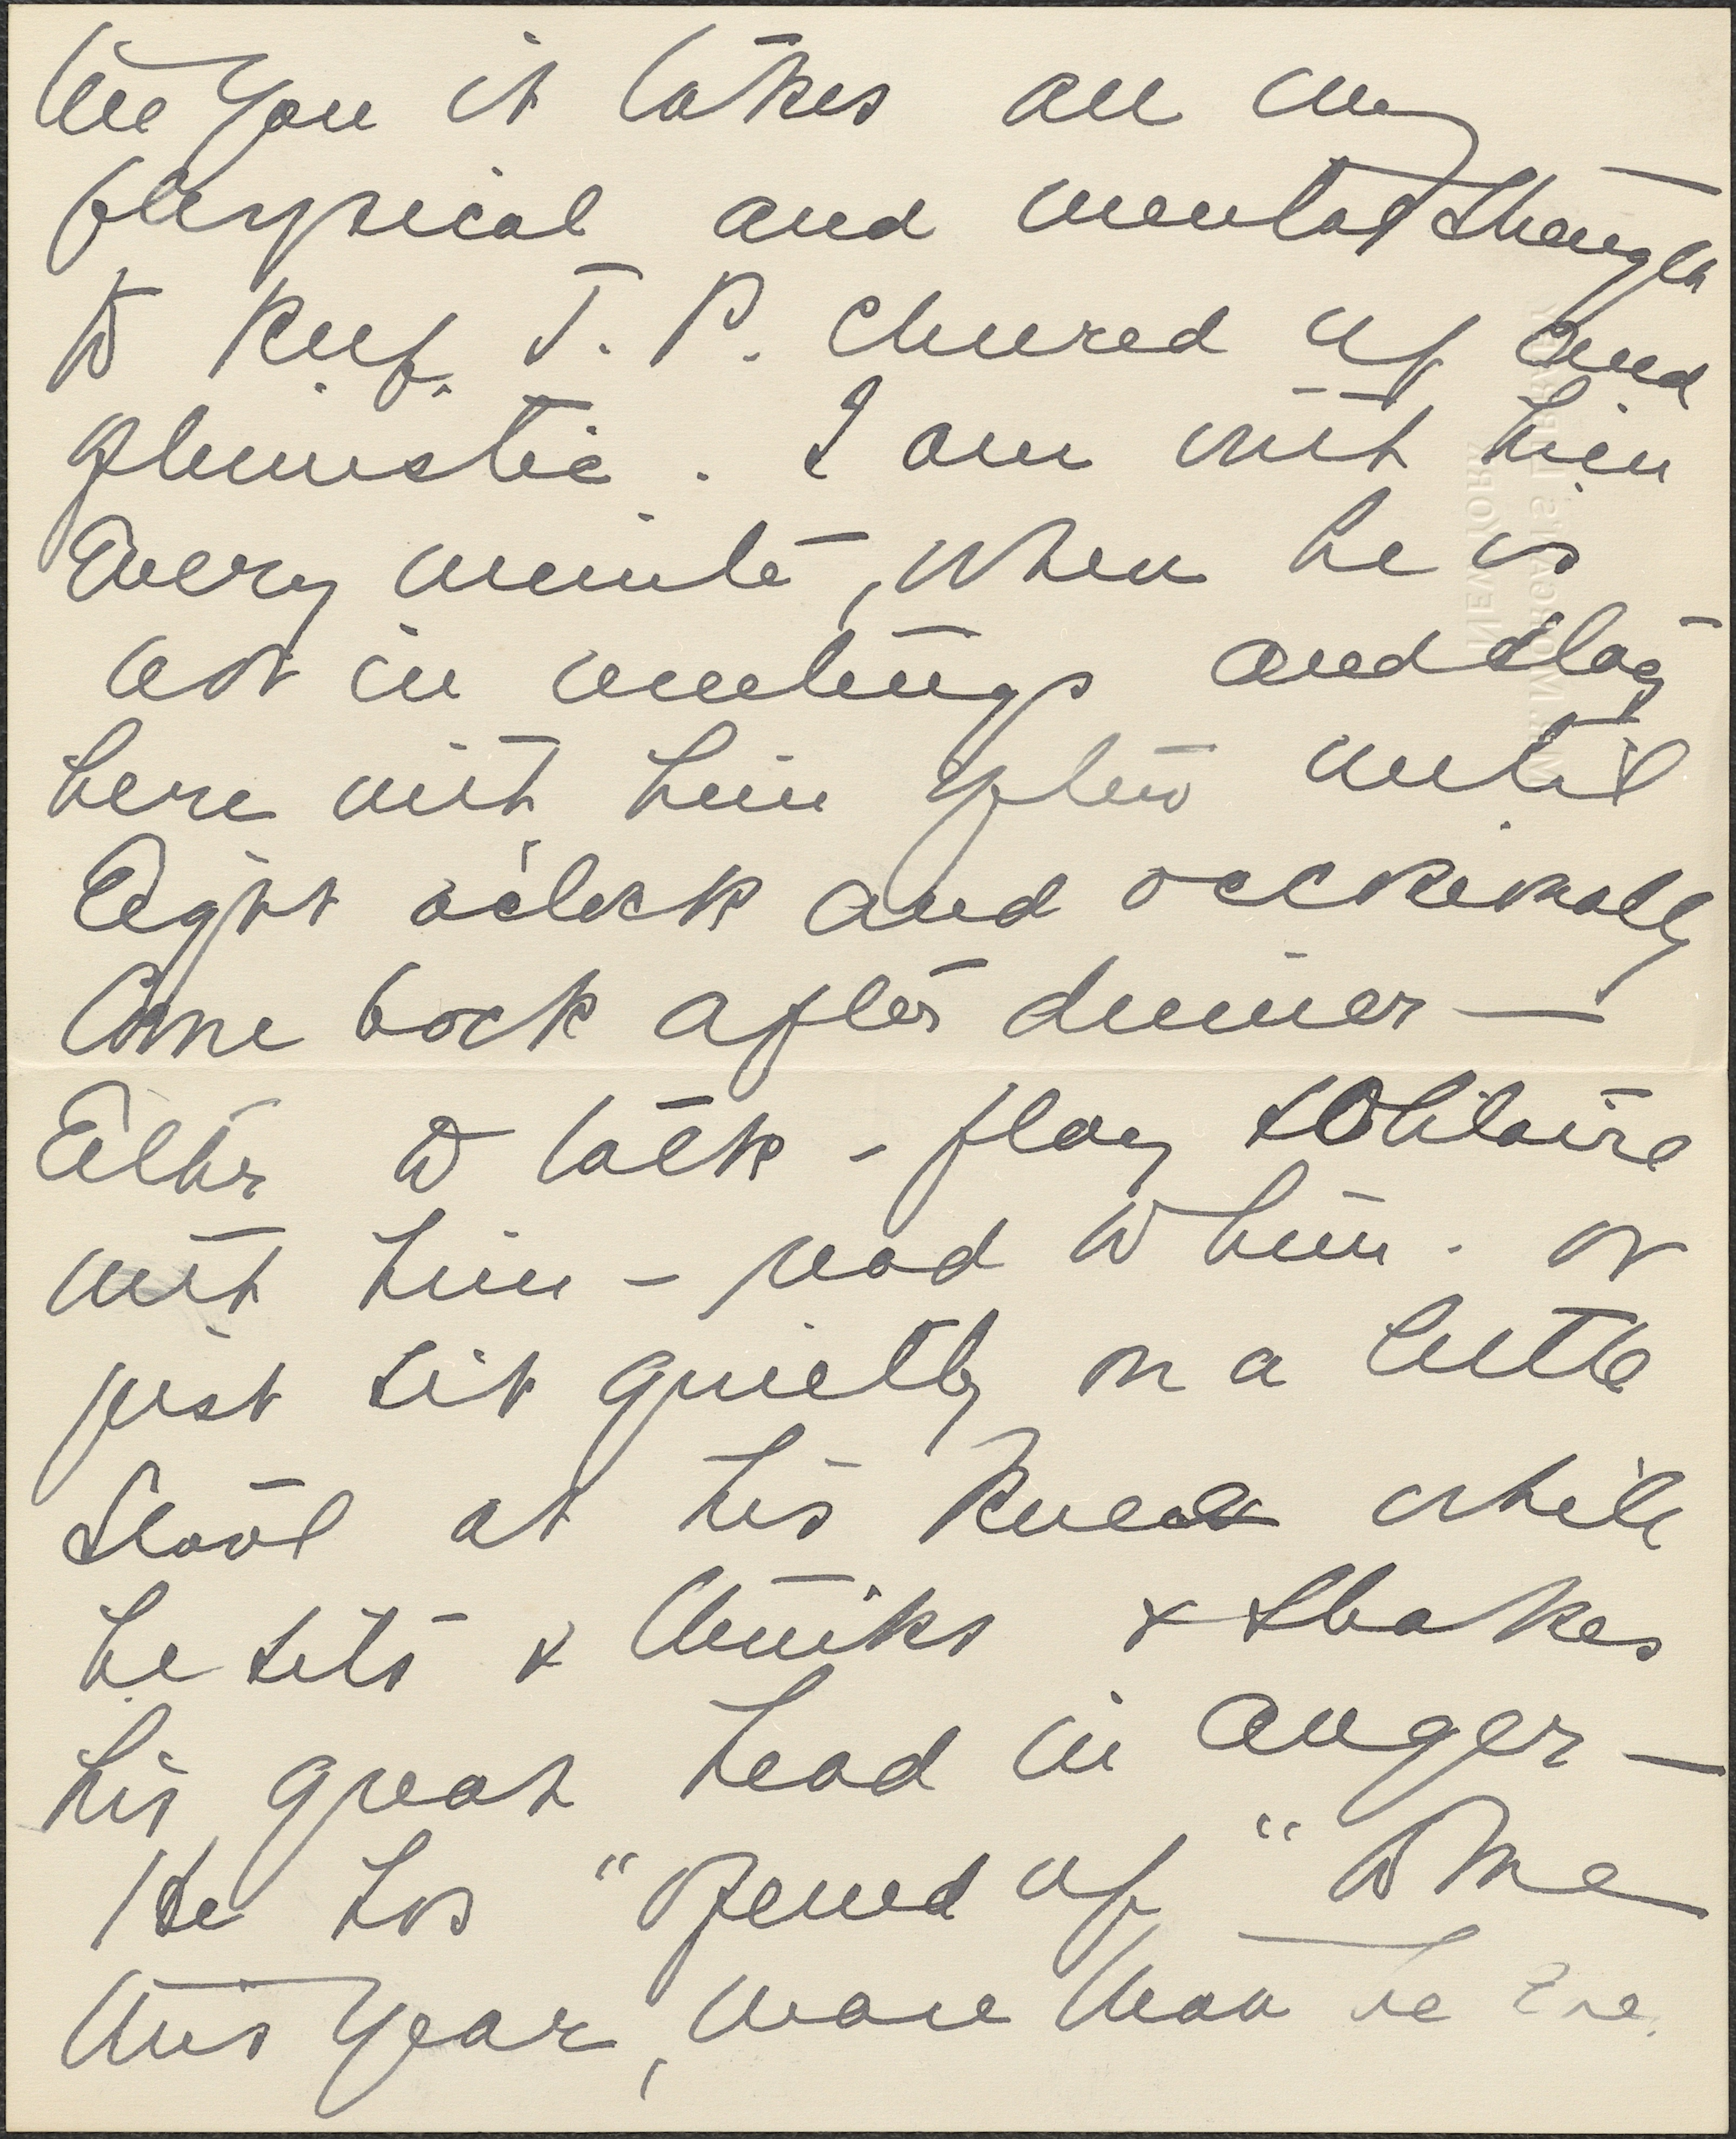tell you it takes all my physical and mental strength to keep J. P. cheered up and optimistic. I am with him every minute, when he is not in meetings and stay here with him often until Eight o’clock and occasionally come back after dinner – Either to talk – play solitaire with him – read to him – or just sit quietly on a little stool at his knee while he sits & thinks & shakes his great head in anger – He has “opened up” to me this year, more than he ever